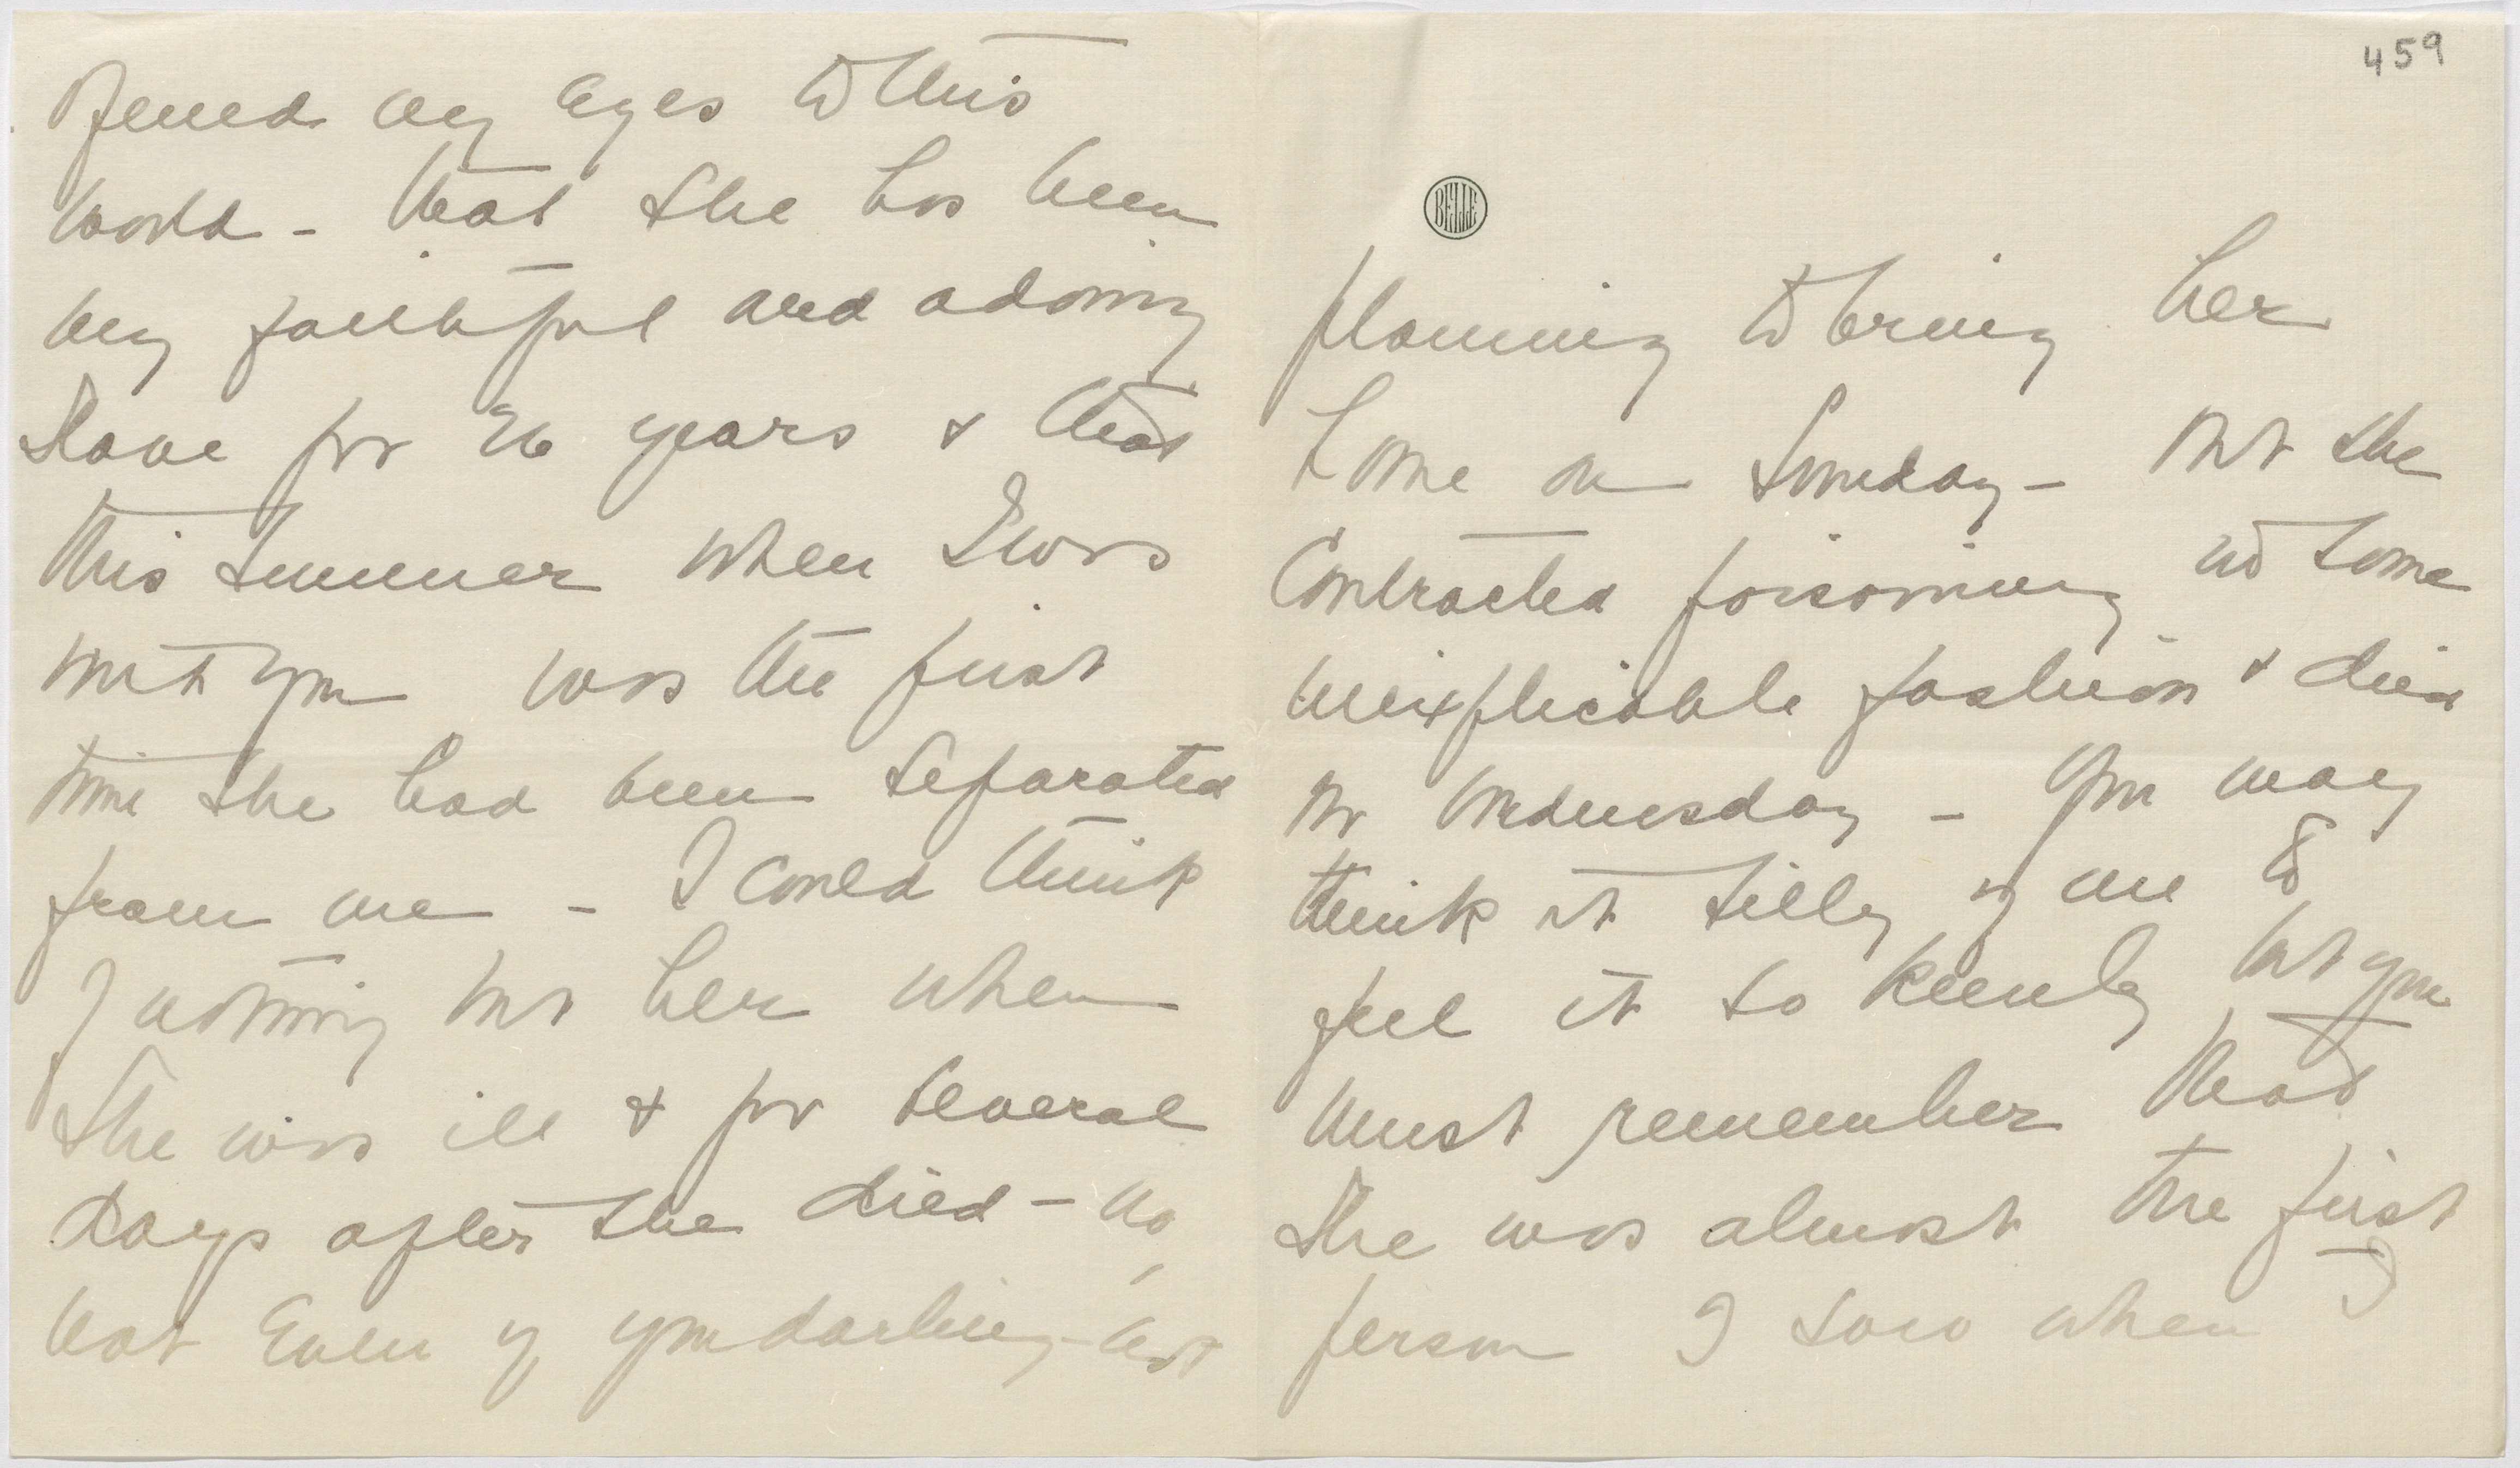planning to bring her home on Sunday – but she contracted poisoning in some inexplicable fashion & died on Wednesday – You may think it silly of me to feel it so keenly but you must remember that she was almost the first person I saw when I
opened my eyes to this world – that she has been my faithful and adoring slave for 26 years & that this summer when I was with you was the first time she had been separated from me – I could think of nothing but her when she was ill & for several days after she died – no, not even of you darling – not